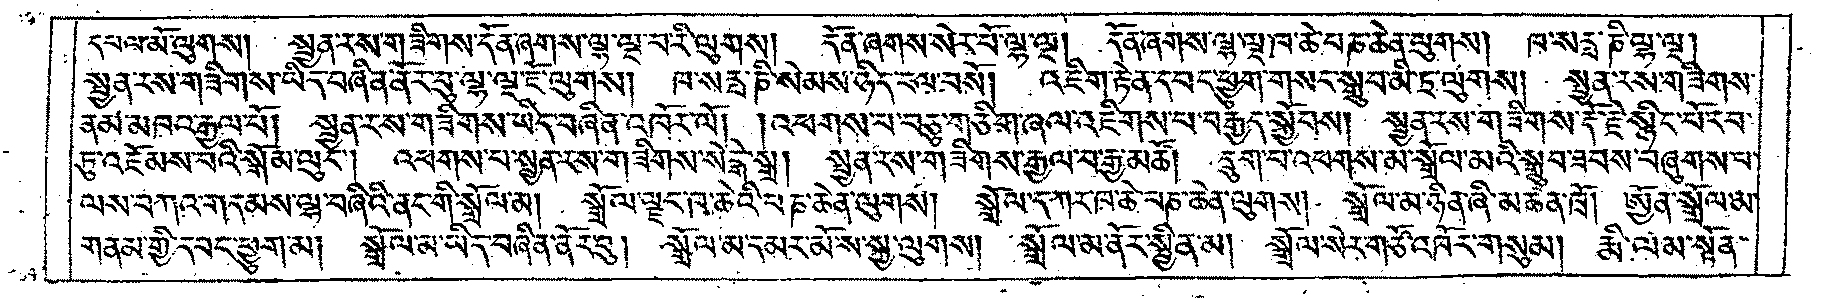དཔལ་མོ་ལུགས། སྤྱན་རས་གཟིགས་དོན་ཞགས་ལྷ་ལྔ་པ་རི་ལུགས། དོན་ཞགས་སེར་པོ་ལྷ་ལྔ། དོན་ཞགས་ལྷ་ལྔ་ཁ་ཆེ་པཎ་ཆེན་ལུགས། ཁ་སརྤ་ཎི་ལྷ་ལྔ།
སྤྱན་རས་གཟིགས་ཡིད་བཞིན་ནོར་བུ་ལྷ་ལྔ་ཇོ་ལུགས། ཁ་སརྤ་ཎི་སེམས་ཉིད་ངལ་བསོ། འཇིག་རྟེན་དབང་ཕྱུག་གསང་སྒྲུབ་མི་ཏྲ་ལུགས། སྤྱན་རས་གཟིགས་
ནམ་མཁའ་རྒྱལ་པོ། སྤྱན་རས་གཟིགས་ཡིད་བཞིན་འཁོར་ལོ། །འཕགས་པ་བཅུ་གཅིག་ཞལ་འཇིགས་པ་བརྒྱད་སྐྱོབས། སྤྱན་རས་གཟིགས་རྡོ་རྗེ་སྙིང་པོ་རབ་
ཏུ་འཇོམས་པའི་སྒོམ་ལུང་། འཕགས་པ་སྤྱན་རས་གཟིགས་སེངྒེ་སྒྲ། སྤྱན་རས་གཟིགས་རྒྱལ་བ་རྒྱ་མཚོ། དྲུག་པ་འཕགས་མ་སྒྲོལ་མའི་སྒྲུབ་ཐབས་བཞུགས་པ་
ལས་བཀའ་གདམས་ལྷ་བཞིའི་ནང་གི་སྒྲོལ་མ། སྒྲོལ་ལྗང་ཁ་ཆེའི་པཎ་ཆེན་ལུགས། སྒྲོལ་དཀར་ཁ་ཆེ་པཎ་ཆེན་ལུགས། སྒྲོལ་མ་ཉིན་ཞི་མཚན་ཁྲོ། ཨཡོན་སྒྲོལ་མ་
གནམ་གྱི་དབང་ཕྱུག་མ། སྒྲོལ་མ་ཡིད་བཞིན་ནོར་བུ། སྒྲོལ་མ་དམར་མོ་ས་སྐྱ་ལུགས། སྒྲོལ་མ་ནོར་སྦྱིན་མ། སྒྲོལ་སེར་གཙོ་འཁོར་གསུམ། རྨི་ལམ་སྟོན་